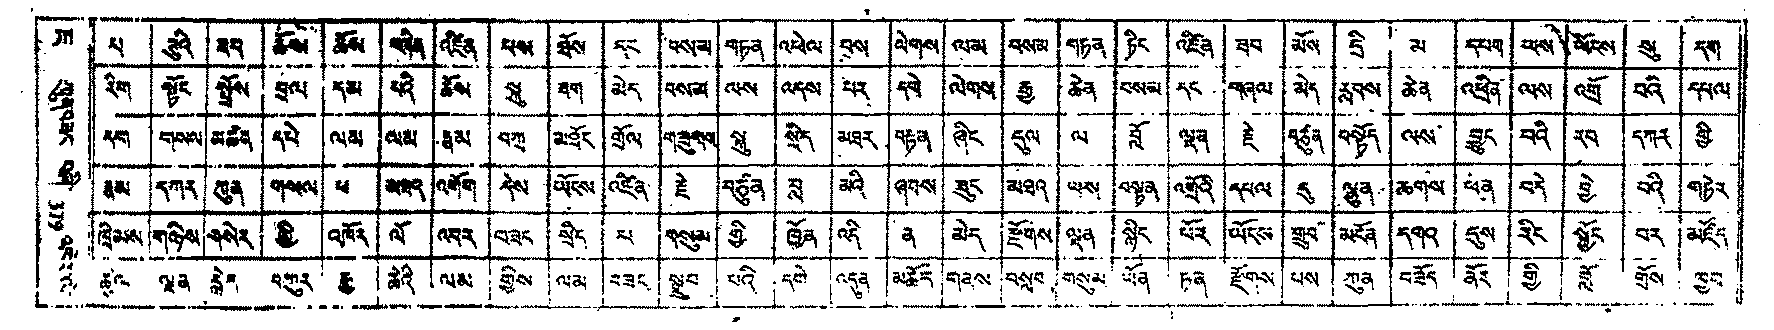༄༅། །པ་ཊུའི་ཟབ་ཆོས་ཆོས་བཞིན་འཛིན་པས་ཐོས་དང་བསམ་གཏན་འཕེལ་བས་ལེགས་ལམ་བསམ་གཏན་ཏིང་འཛིན་ཟབ་མོས་དྲི་མ་དཔག་ཡས་ཡོངས་སུ་དག་
རིག་སྟོང་སྤྲོས་བྲལ་དམ་པའི་ཆོས་སྐུ་ཟག་མེད་བསམ་ལས་འདས་པར་དགེ་ལེགས་རྒྱ་ཆེན་བསམ་དང་གཞལ་མེད་རླབས་ཆེན་འཕྲིན་ལས་འགྲོ་བའི་དཔལ་
དག་གསལ་མཚན་དཔེ་ལམ་ལམ་རྣམ་བཀྲ་མཐོང་གྲོལ་གཟུགས་སྐུ་སྲིད་མཐར་བརྟན་ཞིང་དུལ་ལ་བློ་ལྡན་རྗེ་བཙུན་བསྟོད་ལས་བྱུང་བའི་རབ་དཀར་གྱི་
རྣམ་དཀར་ཀུན་གསལ་ཕ་མཐའ་འགོག་དེས་ཡོངས་འཛིན་རྗེ་བཙུན་བླ་མའི་ཞབས་ཟུང་མཐའ་ཡས་བསྟན་འགྲོའི་དཔལ་དུ་ལྷུན་ཆགས་ཕན་བདེ་བྱེ་བའི་གཏེར་
ཁྲིམས་གཉིས་གསེར་གྱི་འཁོར་ལོ་འབར་བཟང་སྲིད་པ་གསུམ་གྱི་ཁྱོན་འདི་ན་མེད་རྫོགས་ལྡན་སྙིང་པོར་ཡོངས་གྲུབ་མངོན་དགའ་དུས་རིང་སྐྱོང་བར་མཛོད་
ཚུལ་ལྡན་རྙེད་བཀུར་རྒྱ་ཆེའི་ལམ་གྱིས་ལམ་བཟང་སྒྲུབ་པའི་དགེ་འདུན་མཆོད་གནས་བསླབ་གསུམ་ཡོན་ཏན་རྫོགས་པས་ཀུན་བཟོད་ནོར་གྱི་བློ་གྲོས་ཁྱབ་